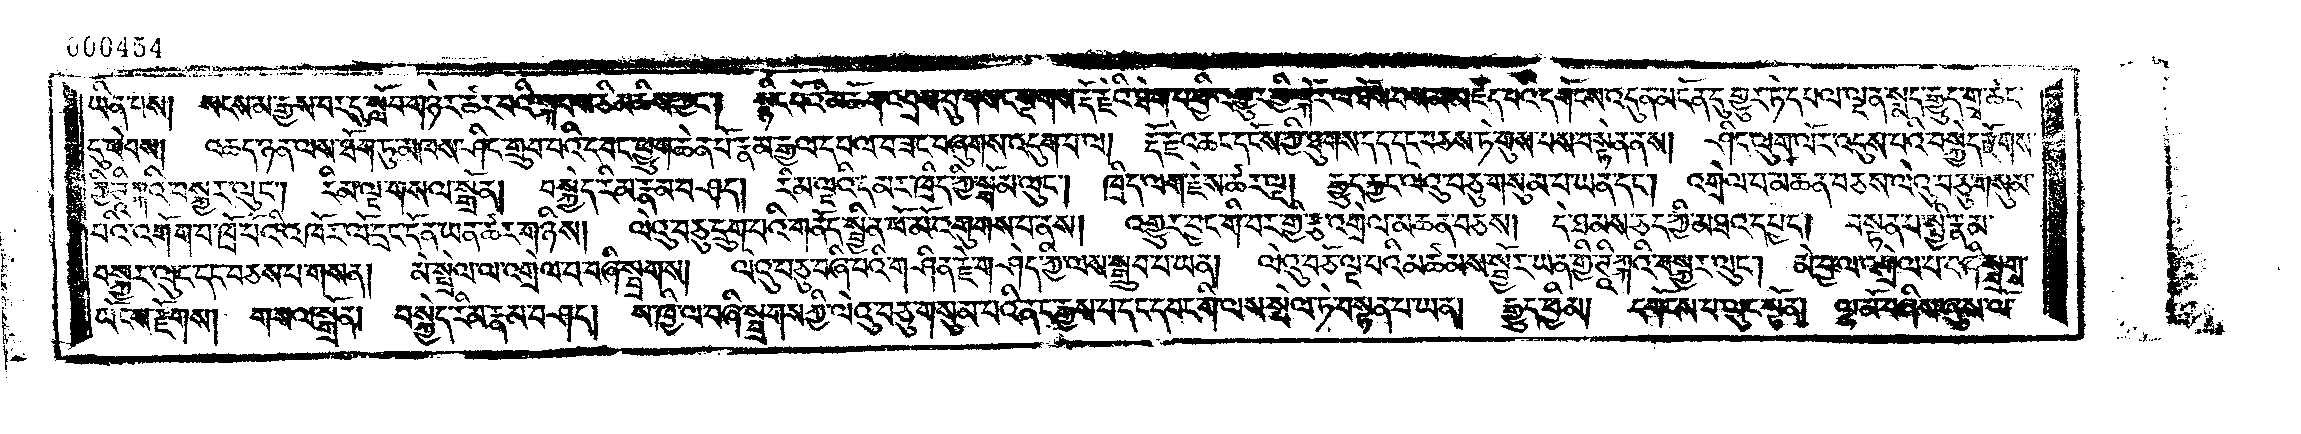ཡིན་པས། སངས་མ་རྒྱས་བར་དུ་སློབ་གཉེར་ཚར་བའི་སྐབས་ཅི་མཆིས་ཀྱང་། སྙིང་པོའི་མཆོག་འབྲས་བུ་གསང་སྔགས་རྡོ་རྗེའི་ཐེག་པ་ཕྱི་འགྱུར་གྱི་སྐོར་ལ་ཐོས་བསམ་མཛད་པའི་དགོངས་འདུན་མངོན་དུ་གྱུར་ཏེ་དཔལ་ལྡན་སྨད་རྒྱུད་གྲྭ་ཚང་
དུ་ཕེབས། འཆད་ཉན་ལས་ཐོག་ཏུ་མཁས་ཤིང་གྲུབ་པའི་དབང་ཕྱུག་ཆེན་པོ་རྣམ་རྒྱལ་དཔལ་བཟང་བཞུགས་འདུག་བ་ལ། རྡོ་རྗེ་འཆང་དངོས་ཀྱི་ཐུགས་དད་དང་བཅས་ཏེ་གུས་པས་བསྟེན་ནས། ཤིང་ལུག་ལོར་འདུས་པའི་བསྐྱེད་རྫོགས་
ཀྱི་ཊཱིཀྐའི་བསྐྱར་ལུང་། རིམ་ལྔ་གསལ་སྒྲོན། བསྐྱེད་རིམ་རྣམ་བཤད། རིམ་ལྔའི་དམར་ཁྲིད་ཀྱི་སྒོམ་ལུང་། ཁྲིད་ལག་རྗེས་ཚར་ལྔ། རྒྱུད་རྐྱང་ལེའུ་བཅུ་གསུམ་པ་ཡན་དང་། འགྲེལ་བ་མཆན་བཅས་ལེའུ་བཅུ་གསུམ་
པའི་འགོག་པ་ཁྲོ་བོའི་འཁོར་ལོ་དྲང་དོན་ཡན་ཚར་གཉིས། ལེའུ་བཅུ་དྲུག་པའི་གནོད་སྦྱིན་ཕོ་མོ་འགུགས་པ་ནས། འགྱུར་བྱང་གི་བར་གྱི་རྩ་འགྲེལ་མཆན་བཅས། དེ་ཐམས་ཅད་ཀྱི་མཐའ་དཔྱད། བསྟན་པ་སྤྱི་རྣམ་
བསྐྱར་ལུང་དང་བཅས་པ་གསན། མེ་སྤྲེལ་ལ་འགྲེལ་པ་བཞི་སྦྲགས། ལེའུ་བཅུ་བཞི་པའི་གཤིན་རྗེ་གཤེད་ཀྱི་ལས་སྒྲུབ་པ་ཡན། ལེའུ་བཅོ་ལྔ་པའི་མཚམས་སྦྱོར་ཡན་གྱི་ཊཱིཀྐའི་བསྐྱར་ལུང་། མེ་བྱ་ལ་འགྲེལ་པ་བཞི་སྦྲགས་
ཡོངས་རྫོགས། གསལ་སྒྲོན། བསྐྱེད་རིམ་རྣམ་བཤད། ས་ཁྱི་ལ་བཞི་སྦྲགས་ཀྱི་ལེའུ་བཅུ་གསུམ་པའི་ནང་རྒྱས་པ་དང་དབང་གི་ལས་སྤེལ་ཏེ་བསྟན་པ་ཡན། རྒྱུད་ཕྱི་མ། དགོངས་པ་ལུང་སྟོན། ལྷ་མོ་བཞིས་ཞུས་ལོ་